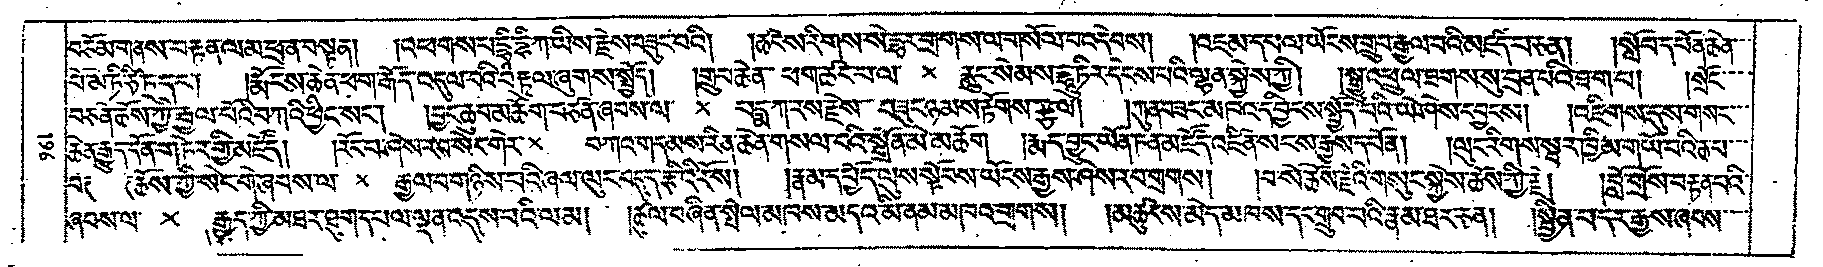བཅོམ་གནས་བརྟན་ལམ་ཕྲན་བསྟན། །འཕགས་པ་དྷཱི་དྷི་ཀ་ཡིས་རྗེས་བཟུང་བའི། །ཚངས་རིགས་སེ་དྷར་གྲགས་ལ་གསོལ་བ་འདེབས། །འཇམ་དཔལ་ཡོངས་གྲུབ་རྒྱལ་བའི་མཛད་པ་ཅན། །སློབ་དཔོན་ཆེན་
པོ་མ་ཏི་ཙི་ཏྲ་དང་། །རྨོངས་ཆེན་ཕག་རྒོད་འདུལ་བའི་བརྟུལ་ཞུགས་སྤྱོད། །གྲུབ་ཆེན་ཕག་ཚང་པ་ལ་྾་རླུང་སེམས་དྷཱུ་ཏིར་དེངས་པའི་ལྷན་སྐྱེས་ཀྱི། །སྒྱུ་འཕྲུལ་ཐགས་སུ་བྲན་པའི་ཐ་ག་པ། །སྲོང་
བཙན་ཆོས་ཀྱི་རྒྱལ་པོའི་བཀའི་ཕྱིང་སང་། །བྱང་ཆུབ་མཆོག་བཙན་ཞབས་ལ་྾་པདམ་ཀ་རས་རྗེས་བཟུང་ཉམས་རྟོགས་རྩལ། །ཀུན་བཟང་མཁའ་དབྱིངས་སྤྱོད་པའི་ཡེ་ཤེས་དབྱངས། །འཇིགས་དུས་གསང་
ཆེན་རྒྱུད་དོན་གཏེར་གྱི་མཛོད། །རོང་པ་ཤེས་རབ་སེང་གེར་྾་བཀའ་གདམས་རིན་ཆེན་གསལ་བའི་སྒྲོན་མེ་མཆོག །རྨད་བྱུང་ཡོན་ཏན་མཛོད་འཛིན་སངས་རྒྱས་དབོན། །ལུང་རིགས་སྦར་ཁྱིམ་གཡོ་བའི་ཆ་པ་
བ༑ ༑ཆོས་ཀྱི་སེང་གེ་ཞབས་ལ་྾་རྒྱལ་བ་གཉིས་པའི་ཞལ་ལུང་བདུད་རྩིའི་རོས། །རྣམ་དཔྱོད་ལུས་སྟོབས་ཡོངས་རྒྱས་ཤེས་རབ་གྲགས། །བ་སོ་ཆོས་རྗེའི་གསུང་སྐྱེས་ཆོས་ཀྱི་རྗེ། །བློ་གྲོས་བརྟན་པའི་
ཞབས་ལ་྾་རྒྱུད་ཀྱི་མཐར་ཐུག་དཔལ་ལྡན་འདུས་པའི་ལམ། །ཚུལ་བཞིན་སྤེལ་མཁས་མདའ་མི་ནམ་མཁའ་གྲགས། །མཚུངས་མེད་མཁས་དང་གྲུབ་པའི་རྣམ་ཐར་ཅན། །སྦྱིན་པ་དར་རྒྱས་ཞབས་